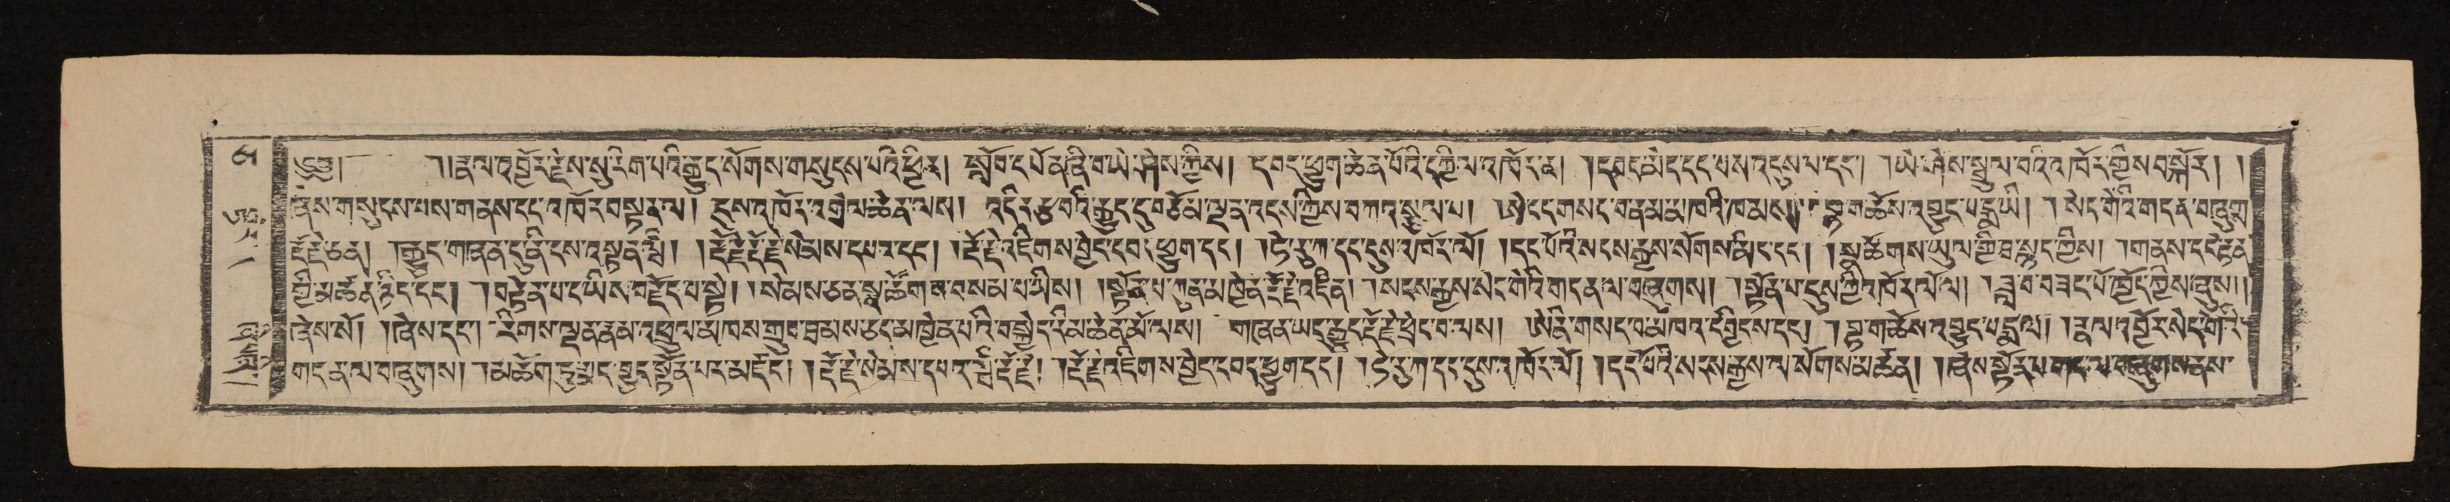༄༅། །རྣལ་འབྱོར་རྗེས་སུ་རིག་པའི་རྒྱུད་སོགས་གསུངས་པའི་ཕྱིར། སློབ་དཔོན་ཞི་བ་ཡེ་ཤེས་ཀྱིས། དབང་ཕྱུག་ཆེན་པོའི་དཀྱིལ་འཁོར་ན། །དབང་མེད་དད་པས་འདུས་པ་དང་། །ཡེ་ཤེས་སྤྲུལ་བའི་འཁོར་གྱིས་བསྐོར། །
ཞེས་གསུངས་པས་གནས་དང་འཁོར་བསྟན་ལ། དུས་འཁོར་འགྲེལ་ཆེན་ལས། འདིར་རྩ་བའི་རྒྱུད་དུ་བཅོམ་ལྡན་འདས་ཀྱིས་བཀའ་སྩལ་བ། ཨེ་དང་གསང་བ་ནམ་མཁའི་ཁམས། །བྷ་ག་ཆོས་འབྱུང་པདམ་ཡི། །སེང་གེའི་གདན་བཞུགས་
རྡོ་རྗེ་ཅན། །རྒྱུད་གཞན་དུ་ནི་ངས་བསྟན་ཝཾ། །རྡོ་རྗེ་རྡོ་རྗེ་སེམས་དཔའ་དང་། །རྡོ་རྗེ་འཇིགས་བྱེད་དབང་ཕྱུག་དང་། །ཧེ་རུ་ཀ་དང་དུས་འཁོར་ལོ། །དང་པོའི་སངས་རྒྱས་སོགས་མིང་དང་། །སྣ་ཚོགས་ཡུལ་གྱི་ཐ་སྙད་ཀྱིས། །གནས་དང་རྟེན་
གྱི་མཚན་ཉིད་དང་། །བརྟེན་པ་ང་ཡིས་བརྗོད་པ་སྟེ། །སེམས་ཅན་སྣ་ཚོགས་བསམ་པ་ཡིས། །སྟོན་པ་ཀུན་མཁྱེན་རྡོ་རྗེ་འཛིན། །སངས་རྒྱས་སེང་གེའི་གདན་ལ་བཞུགས། །སྟོན་པ་དུས་ཀྱི་འཁོར་ལོ་ལ། །ཟླ་བ་བཟང་པོ་ཁྱོད་ཀྱིས་ཞུས།།
ཞེས་སོ། །ཞེས་དང་། རིགས་ལྡན་རྣམ་འཕྲུལ་མཁས་གྲུབ་ཐམས་ཅད་མཁྱེན་པའི་བསྐྱེད་རིམ་ཆེན་མོ་ལས། གཞན་ཡང་རྒྱུད་རྡོ་རྗེ་ཕྲེང་བ་ལས། ཨེ་ནི་གསང་བ་མཁའ་དབྱིངས་དང་། །བྷ་ག་ཆོས་འབྱུང་པདམ་ལ། །རྣལ་འབྱོར་སེང་གེའི་
གདན་ལ་བཞུགས། །མཆོག་ཏུ་རྨད་བྱུང་སྟོན་པར་མཛད། །རྡོ་རྗེ་སེམས་དཔའ་ཝཾ་རྡོ་རྗེ། །རྡོ་རྗེ་འཇིགས་བྱེད་དབང་ཕྱུག་དང་། །ཧེ་རུ་ཀ་དང་དུས་འཁོར་ལོ། །དང་པོའི་སངས་རྒྱས་ལ་སོགས་མཚན། །ཞེས་སྟོན་པ་གང་ལ་བཞུགས་ནས་